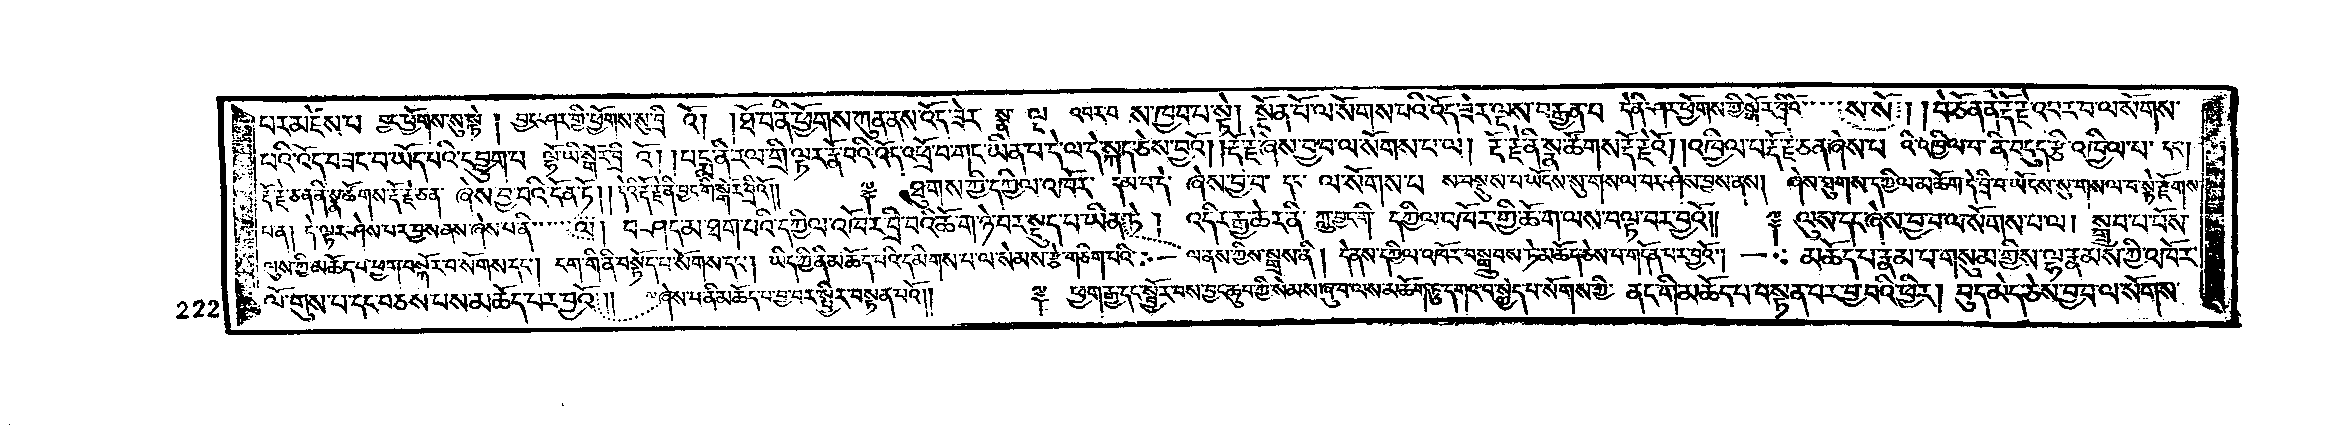པར་མཛེས་པ་བྱང་ཕྱོགས་སུ་སྟེ། བྱང་ཤར་གྱི་ཕྱོགས་སུ་བྲིའོ།  །ཐོ་བ་ནི་ཕྱོགས་ཀུན་ནས་འོད་ཟེར་སྣ་ལྔ་འབར་བས་ཁྱབ་པ་སྟེ། སྔོན་པོ་ལ་སོགས་པའི་འོད་ཟེར་ལྔས་བརྒྱན་པ་དེ་ནི་ཤར་ཕྱོགས་ཀྱི་སྒོར་བྲིའོ་ས་སོ། །བེ་ཅོན་ནི་རྡོ་རྗེ་འབར་བ་ལ་སོགས་
པའི་འོད་བཟང་བ་ཡོད་པའི་དབྱུག་པ་ལྷོ་ཡི་སྒོར་བྲིའོ།  །པདམ་ནི་རལ་གྲི་ལྟར་རྣོ་བའི་འོད་འཕྲོ་བ་གང་ཡིན་པ་དེ་ལ་དེ་སྐད་ཅེས་བྱའོ། །རྡོ་རྗེ་ཞེས་བྱ་བ་ལ་སོགས་པ་ལ། རྡོ་རྗེ་ནི་སྣ་ཚོགས་རྡོ་རྗེའོ། །འཁྱིལ་པ་རྡོ་རྗེ་ཅན་ཞེས་པའི་འཁྱིལ་བ་ནི་བདུད་རྩི་འཁྱིལ་པ་དང་།
རྡོ་རྗེ་ཅན་ནི་སྣ་ཚོགས་རྡོ་རྗེ་ཅན་ཞེས་བྱ་བའི་དོན་ཏོ། ། དེའི་རྡོ་རྗེ་ནི་བྱང་གི་སྒོར་བྲིའོ།།  ༈ ཐུགས་ཀྱི་དཀྱིལ་འཁོར་དམ་པ་དེ་ཞེས་བྱ་བ་དང་ལ་སོགས་པ་ས་བསྡུས་པ་ཡོངས་སུ་གསལ་བར་ཤེས་བྱས་ནས། ཞེས་ཐུགས་དཀྱིལ་མཆོག་དེ་བྲི་བ་ཡོངས་སུ་གསལ་བ་སྟེ་རྫོགས་
པ་ན། དེ་ལྟར་ཤེས་པར་བྱས་ནས་ཞེས་པ་ནི་ལ། བཤད་མ་ཐག་པའི་དཀྱིལ་འཁོར་བྲི་བའི་ཆོ་ག་ཉེ་བར་སྡུད་པ་ཡིན་ཏེ། འདིར་རྒྱ་ཆེར་ནི་ཀླུ་བྱང་གི་དཀྱིལ་འཁོར་གྱི་ཆོ་ག་ལས་བལྟ་བར་བྱའོ།། ༈ ལུས་དང་ཞེས་བྱ་བ་ལ་སོགས་པ་ལ། སྒྲུབ་པ་པོས་
ལུས་ཀྱི་མཆོད་པ་ཕྱག་བསྐོར་བ་སོགས་དང་། ངག་གི་ནི་བསྟོད་པ་སོགས་དང་། ཡིད་ཀྱི་ནི་མཆོད་པའི་དམིགས་པ་ལ་སེམས་རྩེ་གཅིག་པའི་H.་ལ་ནས་ཀྱིས་སྒྲས་ནི། དེ་ནས་དཀྱིལ་འཁོར་བསྒྲུབས་ཏེ་མཆོད་ཅེས་པ་གདོན་པར་བྱའོ།།  .H མཆོད་པ་རྣམ་པ་གསུམ་གྱིས་ལྷ་རྣམས་ཀྱི་འཁོར་
ལོ་གུས་པ་དང་བཅས་པས་མཆོད་པར་བྱའོ།། ༧ཞེས་པ་ནི་མཆོད་པ་བྱ་བར་སྤྱིར་བསྟན་པའོ།། ༈ ཕྱག་རྒྱ་དང་སྦྱོར་བས་བྱང་ཆུབ་ཀྱི་སེམས་ཞུ་བ་ལས་མཆོག་ཏུ་དགའ་བ་སྐྱེད་པ་སོགས་ཀྱི་ནང་གི་མཆོད་པ་བསྟན་པར་བྱ་བའི་ཕྱིར། བུད་མེད་ཅེས་བྱ་བ་ལ་སོགས་